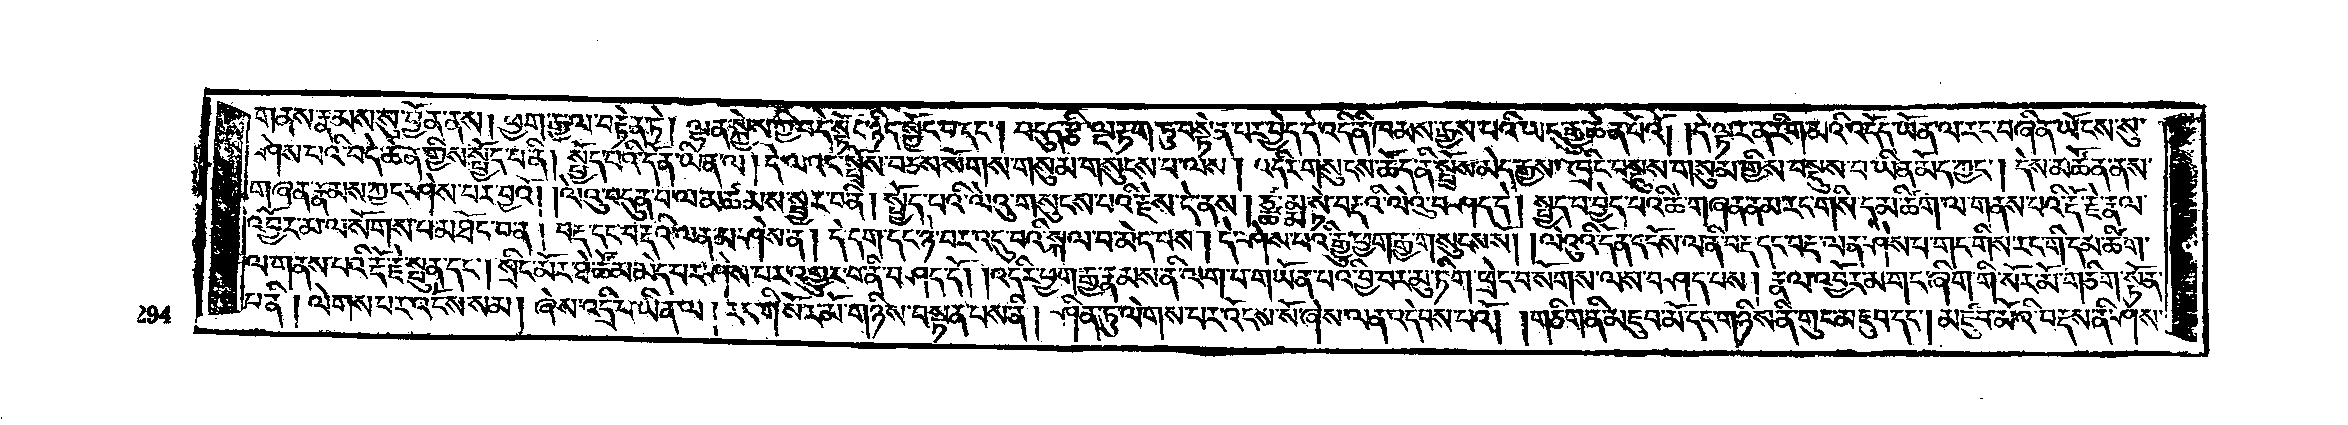གནས་རྣམས་སུ་བྱོན་ནས། ཕྱག་རྒྱ་ལ་བརྟེན་ཏེ། ལྷན་སྐྱེས་ཀྱི་བདེ་སྟོང་ཉིད་སྐྱོང་བ་དང་། བདུད་རྩི་ལྔ་རྟག་ཏུ་བསྟེན་པར་བྱེད་དེ་འདི་ནི་ཁམས་རྒྱས་པའི་ཡང་རྒྱུ་ཆེན་པོའོ། །དེ་ལྟར་ན་རིག་མའི་འདོད་ཡོན་ལ་རང་བཞིན་ཡོངས་སུ་
ཤེས་པའི་བདེ་ཆེན་གྱིས་སྤྱོད་པ་ནི། སྤྱོད་པའི་དོན་ཡིན་ལ། དེ་ལའང་སྤྲོས་བཅས་སོགས་གསུམ་གསུངས་པ་ལས། འདིར་གསུངས་ཚོད་ནི་སྤྲོས་མེད་རྒྱས་འབྲིང་བསྡུས་གསུམ་གྱིས་བསྡུས་པ་ཡིན་མོད་ཀྱང་། དེས་མཚོན་ནས་
གཞན་རྣམས་ཀྱང་ཤེས་པར་བྱའོ། །ལེའུ་བདུན་པ་ལ་མཚམས་སྦྱར་བ་ནི། སྤྱོད་པའི་ལེའུ་གསུངས་པའི་རྗེས་དེ་ནས། ཙྪ་མམ་སྟེ་བརྡའི་ལེའུ་བཤད་དེ། སྤྱད་པ་བྱེད་པའི་ཆེ་གཞན་ནམ་རང་གིས་དམ་ཚིག་ལ་གནས་པའི་རྡོ་རྗེ་རྣལ་
འབྱོར་མ་ལ་སོགས་པ་མཐོང་བ་ན། བརྡ་དང་བརྡའི་ལན་མ་ཤེས་ན། དེ་དག་དང་ཉེ་བར་འདུ་བའི་སྐལ་བ་མེད་པས། དེ་ཤེས་པའི་རྒྱུ་ཕྱག་རྒྱ་གསུངས་སོ། །ལེའུའི་དོན་དངོས་ལ་ནི་བརྡ་དང་བརྡ་ལན་ཤེས་པ་གང་གིས་རང་གི་དམ་ཚིག་
ལ་གནས་པའི་རྡོ་རྗེ་སྤུན་དང་། སྲིང་མོར་ཐེ་ཚོམ་མེད་པར་ཤེས་པར་འགྱུར་བ་ནི་བཤད་དོ། །འདིར་ཕྱག་རྒྱ་རྣམས་ནི་ལག་པ་གཡོན་པའི་བྱ་བར་མི་ཏིག་ཕྲེང་བ་སོགས་ལས་བཤད་པས། རྣལ་འབྱོར་མ་གང་ཞིག་གི་སོར་མོ་གཅིག་སྟོན་
པ་ནི། ལེགས་པར་འོངས་སམ། ཞེས་འདྲི་པ་ཡིན་ལ། རང་གི་སོར་མོ་གཉིས་བསྟན་པས་ནི། ཤིན་ཏུ་ལེགས་པར་འོངས་སོ་ཞེས་ལན་འདེབས་པའོ། །གཅིག་ནི་མཛུབ་མོ་དང་གཉིས་ནི་གུང་མཛུབ་དང་། མཛུབ་མོའི་བརྡས་ནི་ཤེས་